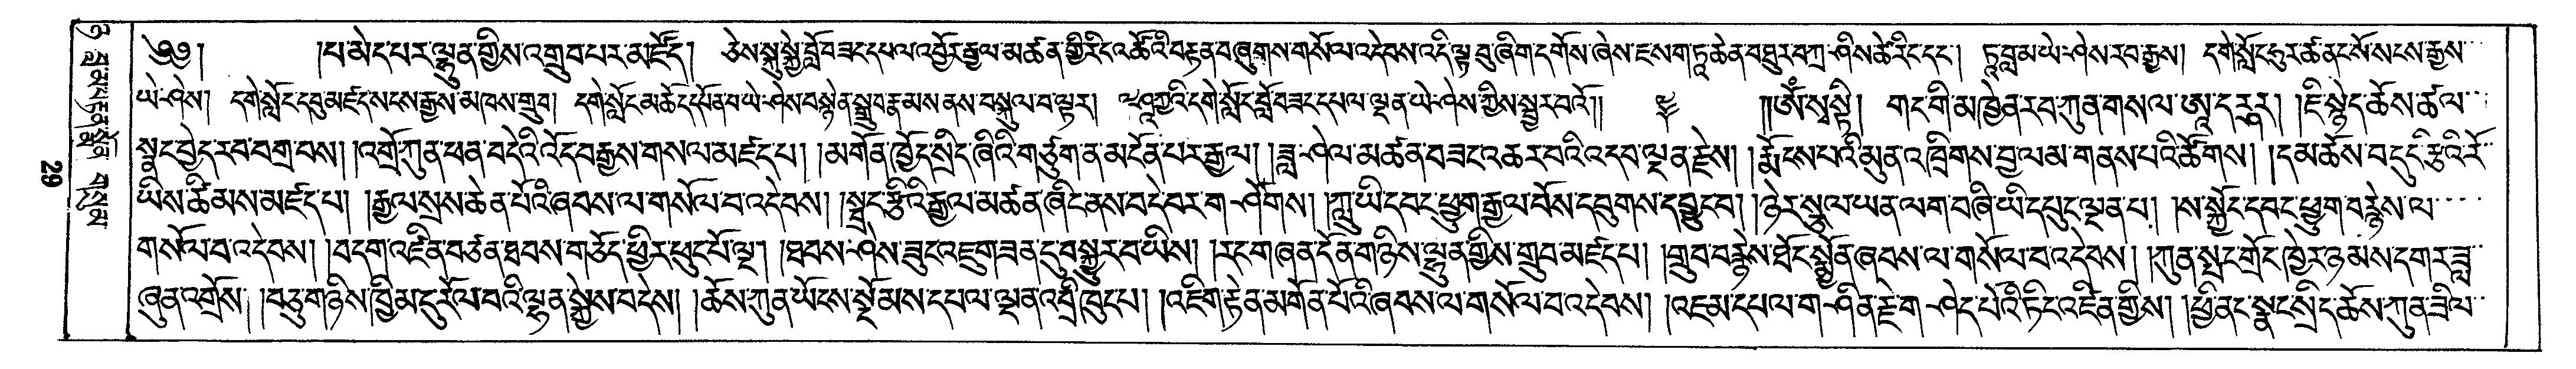༄༅། །པ་མེད་པར་ལྷུན་གྱིས་འགྲུབ་པར་མཛོད། ཅེས་སྐུ་སྐྱེ་བློ་བཟང་དཔལ་འབྱོར་རྒྱལ་མཚན་གྱི་རིང་འཚོའི་བརྟན་བཞུགས་གསོལ་འདེབས་འདི་ལྟ་བུ་ཞིག་དགོས་ཞེས་ཇ་སག་ཏཱ་ཆེན་པ་ཐུར་བཀྲ་ཤིས་ཚེ་རིང་དང་། ཏཱ་བླ་མ་ཡེ་ཤེས་རབ་རྒྱས། དགེ་སློང་ཧུར་ཚན་ང་སོ་སངས་རྒྱས་
ཡེ་ཤེས། དགེ་སློང་དབུ་མཛད་སངས་རྒྱས་མཁས་གྲུབ། དགེ་སློང་མཆོད་དཔོན་པ་ཡེ་ཤེས་བསྙེན་སྒྲུབ་རྣམས་ནས་བསྐུལ་བ་ལྟར། ༧ཤཱཀྱའི་དགེ་སློང་བློ་བཟང་དཔལ་ལྡན་ཡེ་ཤེས་ཀྱིས་སྦྱར་བའོ།། ༈ །།ཨོཾ་སྭསྟི། གང་གི་མཁྱེན་རབ་ཀུན་གསལ་ཨཱ་དརྴར། །ཇི་སྙེད་ཆོས་ཚུལ་
སྣང་བྱེད་རབ་བཀྲ་བས། །འགྲོ་ཀུན་ཕན་བདེའི་འོད་བརྒྱས་གསལ་མཛད་པ། །མགོན་ཁྱོད་སྲིད་ཞིའི་གཙུག་ན་མངོན་པར་རྒྱལ། །ཟླ་ཤེལ་མཚན་བཟང་འཆང་བའི་འདབ་ལྡན་རྗེས། །རྨོངས་པའི་མུན་འཁྲིགས་བྱ་ལམ་གནས་པའི་ཚོགས། །དམ་ཆོས་བདུད་རྩིའི་རོ་
ཡིས་ཚི་མས་མཛད་པ། །རྒྱལ་སྲས་ཆེན་པོའི་ཞབས་ལ་གསོལ་བ་འདེབས། །སྦྲང་རྩིའི་རྒྱལ་མཚན་ཞིང་ནས་བདེ་བར་གཤེགས། །ཀླུ་ཡི་དབང་ཕྱུག་རྒྱལ་པོས་དབུགས་དབྱུང་བ། །ཉེར་སྩལ་ཡན་ལག་བཞི་ཡི་དཔུང་ལྡན་པ། །ས་སྐྱོང་དབང་ཕྱུག་བརྙེས་ལ་
གསོལ་བ་འདེབས། །བདག་འཛིན་བཙན་ཐབས་གཅོད་ཕྱིར་ཕུང་པོ་ལྔ། །ཐབས་ཤེས་ཟུང་འཇུག་ཟན་དུ་བསྐྱུར་བ་ཡིས། །རང་གཞན་དོན་གཉིས་ལྷུན་གྱིས་གྲུབ་མཛད་པ། །གྲུབ་བརྙེས་ཐོད་སྨྱོན་ཞབས་ལ་གསོལ་བ་འདེབས། །ཀུན་སྤང་གྲོང་ཁྱེར་ཉམས་དགར་ཟླ་
ཞུན་འགྲོས། །བཅུ་གཉིས་ཁྱིམ་དུ་རོལ་པའི་ལྷན་སྐྱེས་བདེས། །ཆོས་ཀུན་ཡོངས་སྔོམས་དཔལ་ལྡན་འབྲི་ཁུང་པ། །འཇིག་རྟེན་མགོན་པོའི་ཞབས་ལ་གསོལ་བ་འདེབས། །འཇམ་དཔལ་གཤིན་རྗེ་གཤེ་བོའི་ཏིང་འཛིན་གྱིས། །ཕྱི་ནང་སྣང་སྲིད་ཆོས་ཀུན་ཟིལ་